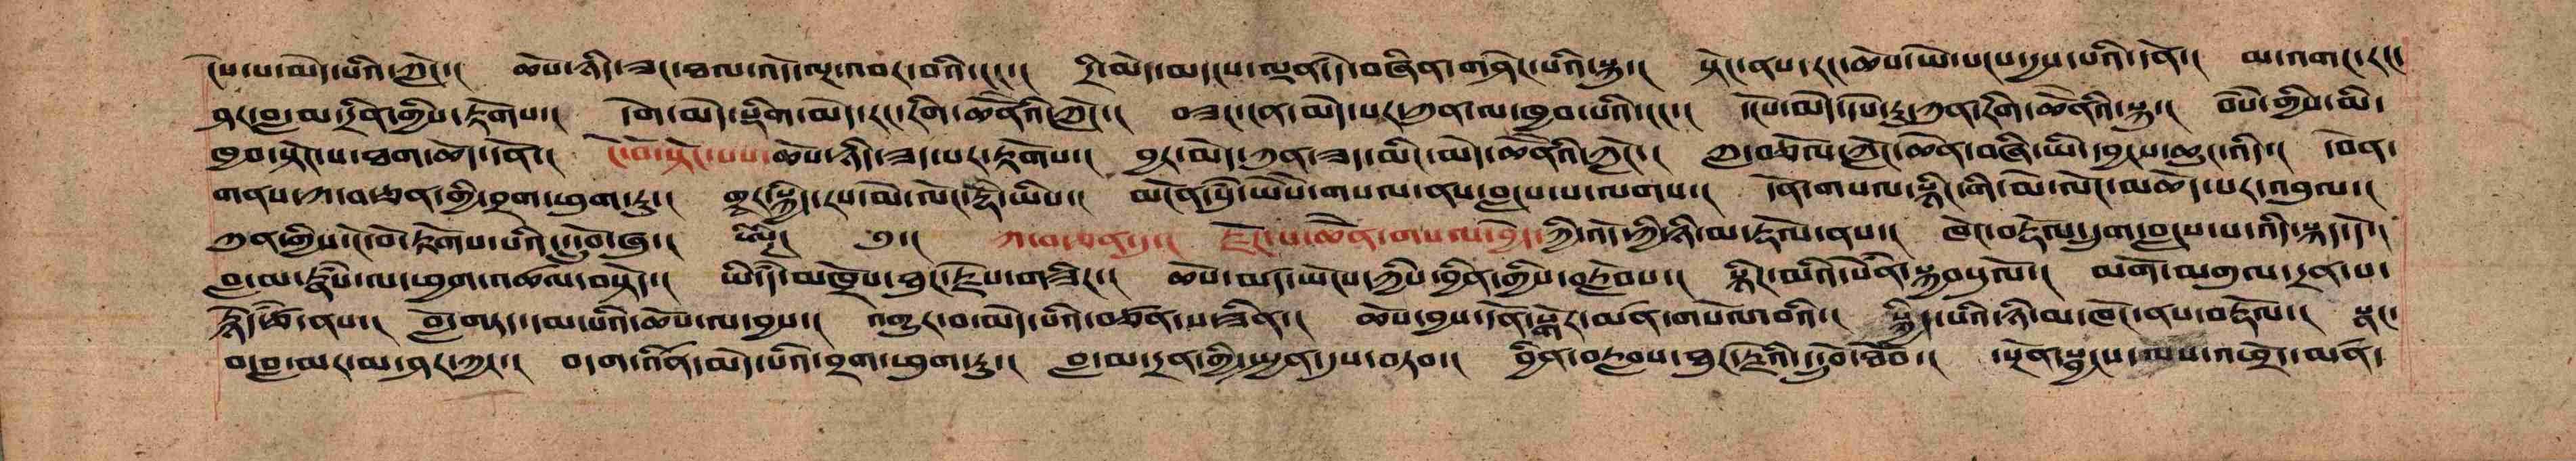ངེས་པ་མེད་པའི་ཀློང་།། ཆོས་ཉིད་ཟང་ཐལ་འོད་ལྔ་འབར་བའི་ངང་།། དྲི་མེད་མདངས་ལྡན་དེ་བཞིན་གཤེགས་པའི་སྐུ།། སྟེང་ནས་རང་ཆོས་ཡེ་སངས་རྒྱས་པའི་དོན།། མ་འགགས་རང་
ཤར་བླ་མ་དྲིན་གྱིས་རྟོགས།། དགེ་མེད་སྡིག་མེད་རང་རིག་ཆེན་པོའི་ཀློང་།། བཟང་ངན་མེད་པར་ཀུན་ལ་ཁྱབ་པའི་ངང་།། དངོས་མེད་དཔེ་རུ་ཀུན་རིག་ཆེན་པོའི་སྐུ།། བསམ་གྱིས་མི་
ཁྱབ་སྟོང་པ་ཐག་ཆོད་དོན།། ངོ་བོ་སྟོང་པ་ཆོས་ཉིད་ཟད་པར་རྟོགས།། བྱར་མེད་ཀུན་ཟད་མིང་མེད་ཆེན་པོའི་ཀློང་།། ཀླད་བཅོལ་ཀློང་ཆེན་བཞི་ཡི་དབྱངས་ཆུང་འདི།། དབེན་
གནས་ཀ་བ་ཅན་གྱི་བྲག་ཕུག་ཏུ།། གྲྭར་སྐྱིད་རས་༼པ༽མེ་ལོང་རྡོ་རྗེ་ཡིས།། མངོན་སུམ་ཡེ་ཤེས་གསལ་ནས་བླངས་པ་ལགས།། དོན་གསལ་སྙིང་གི་མེ་ལོང་མཆོད་པར་འབུལ།། 
ཀུན་གྱིས་ངོ་བོ་རྟོགས་པའི་དངོས་གྲུབ་ཞུ།། ཨིཊི།། ༄་། ཀ་བ་ཅན་དུ།། རྫོགས་པ་ཆེན་པོ་གསལ་བྱེད་ཀྱི་འོད་ཀྱི་ཉི་མ་རྡོལ་ནས།། ཁོང་བརྡོལ་དྲུག་བླངས་པ་འདི་སྐད་དོ།། 
བླ་མ་རྣམས་ལ་ཕྱག་འཚལ་བསྟོད།། ཡི་དམ་མཁའ་འགྲོས་ཐུགས་རྗེས་གཟིགས།། ཆོས་མཛད་ཡོངས་ཀྱིས་བྱིན་གྱིས་རློབས།། སྙིགས་མའི་སེམས་ཅན་སྐྱབས་ཏུ་གསོལ།། མགོ་མགུལ་དྲན་པ་
རྙེད་ཙམ་ནས།། བློ་གཏད་དམ་པའི་ཆོས་ལ་བྱས།། འགྱུར་བ་མེད་པའི་བཙན་ས་ཟིན།། ཆོས་བྱས་དོན་སྒོར་མཚན་གསོལ་བའི།། སྐྱིད་པའི་ཉི་མ་ཁོང་ནས་བརྡོལ།། སྣང་
བ་བླ་མར་མ་ཤར་ཀྱང་།། བདག་འཛིན་མེད་པའི་བྲག་ཕུག་ཏུ།། བླ་མ་དྲན་གྱི་སྤྱན་དུས་བཏབ།། བྱིན་རླབས་ཐུགས་རྗེའི་དངོས་གྲུབ་ཐོབ།། སྔོན་སྦྱངས་ལམ་འཕྲོ་མཚན་